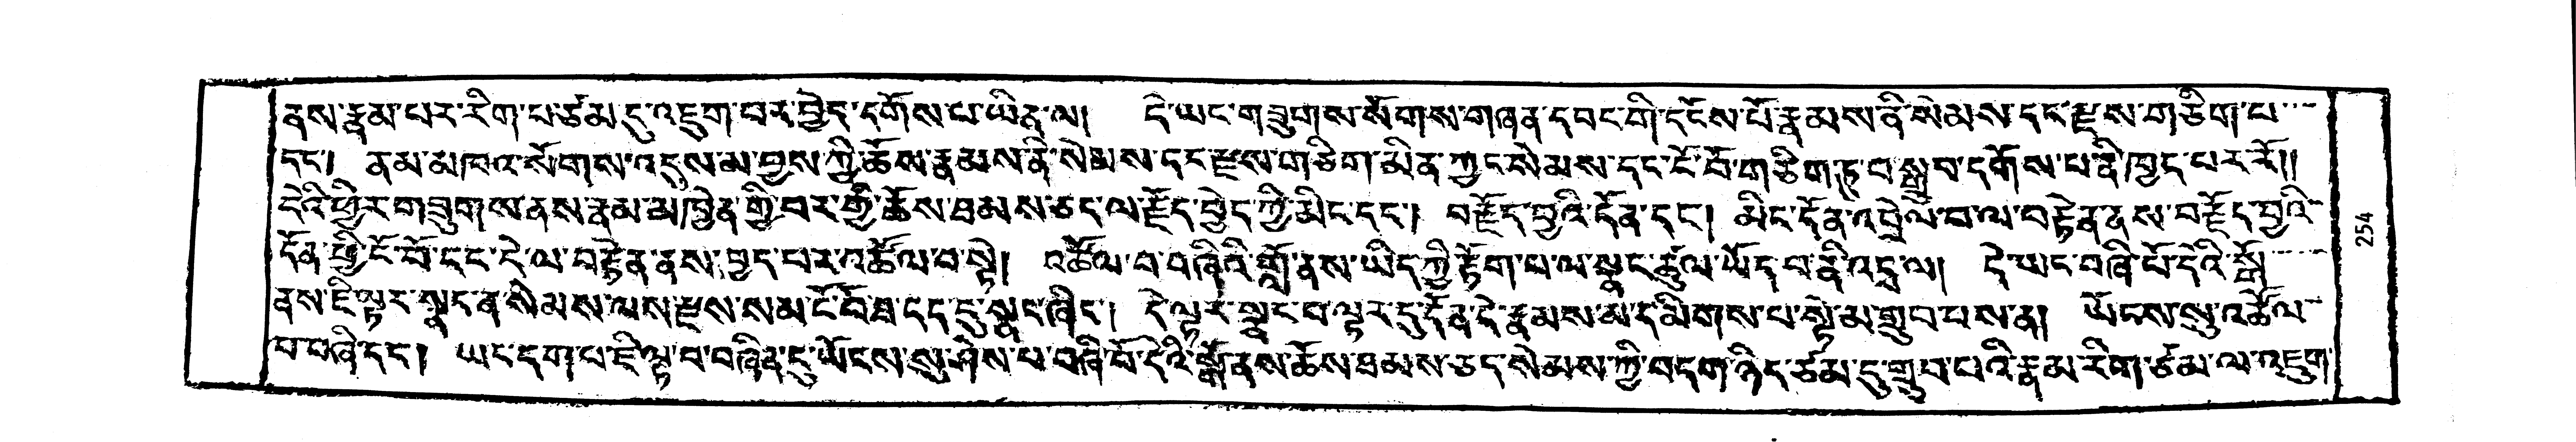ནས་རྣམ་པར་རིག་པ་ཙམ་དུ་འཇུག་པར་བྱེད་དགོས་པ་ཡིན་ལ། དེ་ཡང་གཟུགས་སོགས་གཞན་དབང་གི་དངོས་པོ་རྣམས་ནི་སེམས་དང་རྫས་གཅིག་པ་
དང་། ནམ་མཁའ་སོགས་འདུས་མ་བྱས་ཀྱི་ཆོས་རྣམས་ནི་སེམས་དང་རྫས་གཅིག་མིན་ཀྱང་སེམས་དང་ངོ་བོ་གཅིག་ཏུ་བསྒྲུབ་དགོས་པ་ནི་ཁྱད་པར་རོ། །
དེའི་ཕྱིར་གཟུགས་ནས་རྣམ་མཁྱེན་གྱི་བར་གྱི་ཆོས་ཐམས་ཅད་ལ་རྗོད་བྱེད་ཀྱི་མིང་དང་། བརྗོད་བྱའི་དོན་དང་། མིང་དོན་འབྲེལ་བ་ལ་བརྟེན་ནས་བརྗོད་བྱའི་
དོན་ཕྱི་ངོ་བོ་དང་དེ་ལ་བརྟེན་ནས་བྱད་པར་འཚོལ་བ་སྟེ། འཚོལ་བ་བཞིའི་གློ་ནས་ཡིད་ཀྱི་རྟོག་པ་ལ་སྣང་ཚུལ་ཡོད་པ་ནི་འདྲ་ལ། དེ་ཡང་བཞི་པོ་དེའི་སྒོ་
ནས་ཇི་ལྟར་སྣང་ན་སེམས་ལས་རྫས་སམ་ངོ་བོ་ཐ་དད་དུ་སྣང་ཞིང་། དེ་ལྟར་སྣང་བ་ལྟར་དུ་དོན་དེ་རྣམས་མ་དམིགས་པ་སྟེ་མ་གྲུབ་པས་ན། ཡོངས་སུ་འཚོལ་
བ་བཞི་དང་། ཡང་དག་པ་ཇི་ལྟ་བ་བཞིན་དུ་ཡོངས་སུ་ཤེས་པ་བཞི་པོ་དེའི་སྒོ་ནས་ཆོས་ཐམས་ཅད་སེམས་ཀྱི་བདག་ཉིད་ཙམ་དུ་གྲུབ་པའི་རྣམ་རིག་ཙམ་ལ་འཇུག་